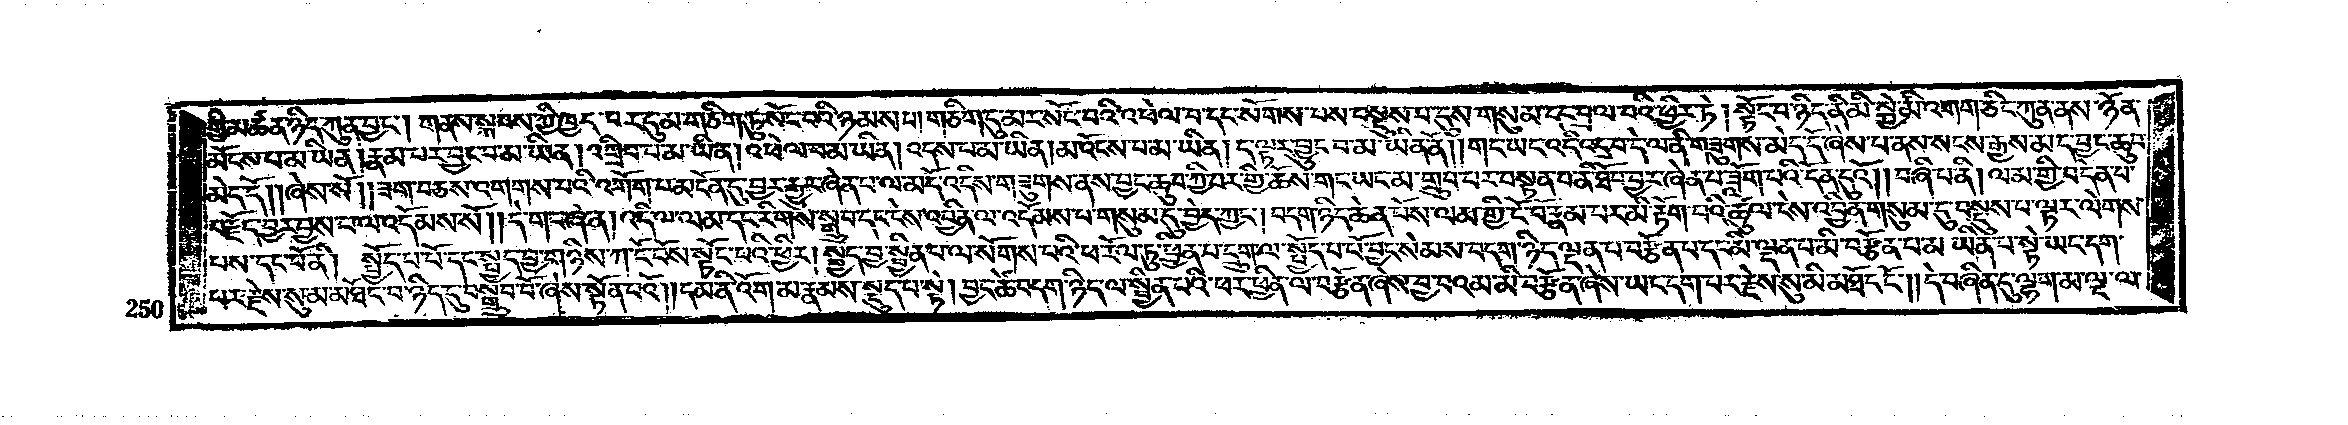གྱི་མཚན་ཉིད་ཀུན་བྱུང་། གནས་སྐབས་ཀྱི་ཁྱད་པར་དུ་མ་གཅིག་ཏུ་སོང་བའི་ཉམས་པ། གཅིག་དུ་མར་སོང་བའི་འཕེལ་བ་དང་སོགས་པས་བསྡུས་པ་དུས་གསུམ་དང་བྲལ་བའི་ཕྱིར་ཏེ། སྟོང་པ་ཉིད་ནི་མི་སྐྱེ་མི་འགག་ཅིང་ཀུན་ནས་ཉོན་
མོངས་པ་མ་ཡིན། རྣམ་པར་བྱང་བ་མ་ཡིན། འགྲིབ་པ་མ་ཡིན། འཕེལ་བ་མ་ཡིན། འདས་པ་མ་ཡིན། མ་འོངས་པ་མ་ཡིན། དེ་ལྟར་བྱུང་བ་མ་ཡིན་ནོ། །གང་ཡང་འདི་འདྲ་བ་དེ་ལ་ནི་གཟུགས་མེད་དོ་ཞེས་པ་ནས་སངས་རྒྱས་མེད་བྱང་ཆུབ་
མེད་དོ། །ཞེས་སོ། །ཟག་བཅས་འགགས་པའི་འགོག་པ་མངོན་དུ་བྱར་རྒྱུར་ཞེན་པ་ལ་མདོ་འདིས་གཟུགས་ནས་བྱང་ཆུབ་ཀྱི་བར་གྱི་ཆོས་གང་ཡང་མ་གྲུབ་པར་བསྟན་པ་ནི་ཐོབ་བྱར་ཞེན་པ་ཟློག་པའི་དོན་དུའོ། །བཞི་པ་ནི། ལམ་གྱི་བདེན་པ་
བརྗོད་བྱར་བྱས་པ་ལ་འདོམས་སོ། །དེ་གང་ཞེ་ན། འདི་ལ་ལམ་དང་རིགས་སྒྲུབ་དང་ངེས་འབྱིན་ལ་འདོམས་པ་གསུམ་དུ་བྱེད་ཀྱང་། བདག་ཉིད་ཆེན་པོས་ལམ་གྱི་ངོ་བོ་རྣམ་པར་མི་རྟོག་པའི་ཚུལ་ངེས་འབྱིན་གསུམ་དུ་བསྡུས་པ་ལྟར་ལེགས་
པས་དང་པོ་ནི། སྤྱོད་པ་པོ་དང་སྤྱད་བྱ་གཉིས་ཀ་ངོ་བོས་སྟོང་པའི་ཕྱིར། སྤྱོད་བྱ་སྦྱིན་པ་ལ་སོགས་པའི་ཕ་རོལ་ཏུ་ཕྱིན་པ་དྲུག་ལ་སྤྱོད་པ་པོ་བྱང་སེམས་བདག་ཉིད་ལྡན་པ་བརྩོན་པ་དང་མི་ལྡན་པ་མི་བརྩོན་པ་མ་ཡིན་པ་སྟེ་ཡང་དག་
པར་རྗེས་སུ་མ་མཐོང་བ་ཉིད་དུ་བསྒྲུབ་བོ་ཞེས་སྟོན་པའོ། །དམ་ནི་འོག་མ་རྣམས་སྡུད་པ་སྟེ། བྱང་ཚེ་བདག་ཉིད་ལ་སྦྱིན་པའི་ཕར་ཕྱིན་ལ་བརྩོན་ཞེས་བྱ་བའམ་མི་བརྩོན་ཞེས་ཡང་དག་པར་རྗེས་སུ་མི་མཐོང་ངོ། །དེ་བཞིན་དུ་ལྷག་མ་ལྔ་ལ་